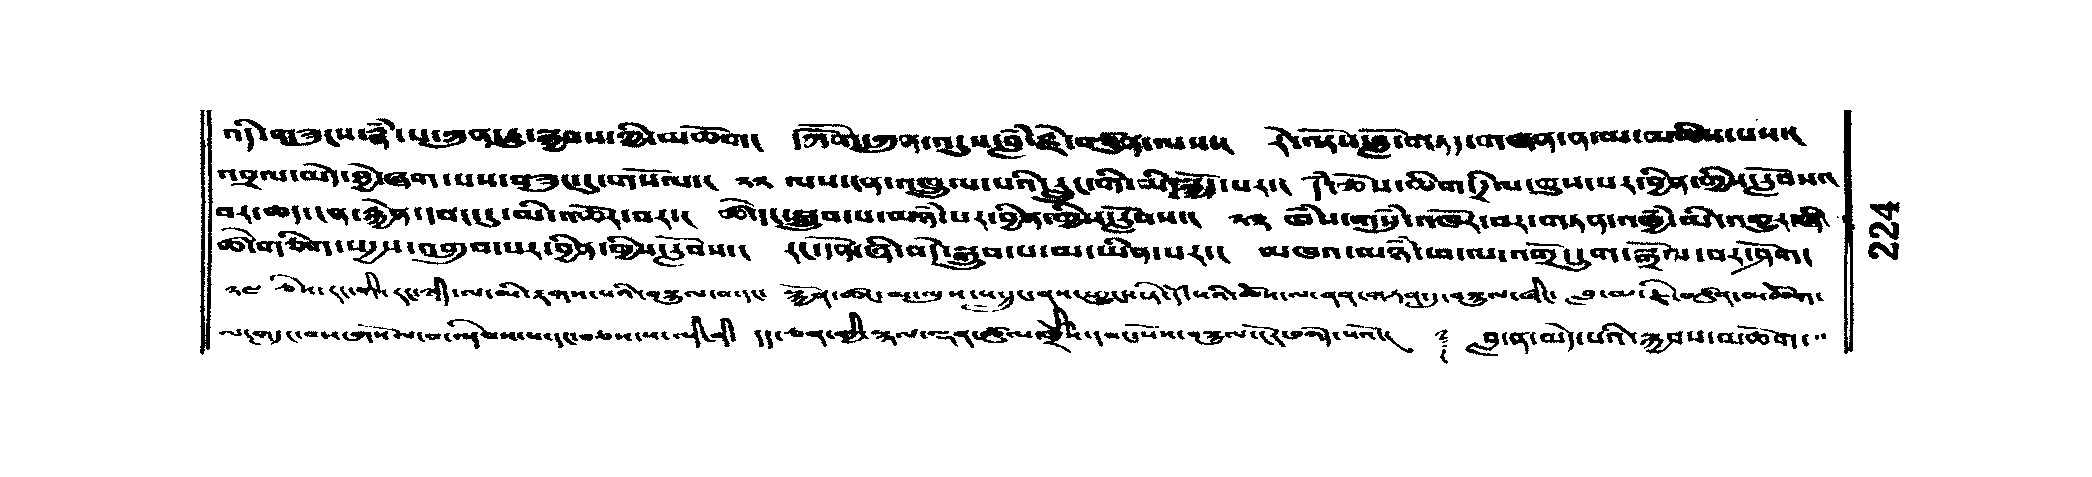༢༡ །འདི་བཟུང་རྣམ་པ་ཀུན་ཏུ་སྐྱབས་ཀྱི་མཆོག །དཀོན་མཆོག་ཀུན་འདུས་བླ་མ་རྗེ་བཙན་ལས། །རེ་ལྟོས་བློ་གཏད་གཞན་ན་མ་མཆིས་པས། །
འབྲལ་མེད་ཐུགས་རྗེ་ཞག་པས་བཟུང་དུ་གསོལ། ༢༢ །ལས་ངན་འཁྲུལ་པའི་རླུང་གི་མི་བསྐྱོད་པར། །དམ་ཆོས་ཆིག་དྲིལ་ནུས་པར་བྱིན་གྱིས་རློབས། །
བར་ཆད་ངན་རྐྱེན་དབང་དུ་མི་འཆོར་བར། །ཚེ་དང་སྒྲུབ་པ་མཉམ་པར་བྱིན་གྱིས་རློབས།༢༣ །ཁམས་གསུམ་འཁོར་བར་གཏན་འཁྱམ་མི་འགྱུར་ཞིང་། །
ཚེ་གཅིག་སངས་རྒྱས་འགྲུབ་པར་བྱིན་གྱིས་རློབས། །རང་དོན་ཞི་བདེ་སྒྲུབ་པ་མ་ཡིན་པར། །མཁའ་མཉམ་ཕ་མ་འགྲོ་དྲུག་སྒྲོལ་བར་ཤོག 
༢༤ ཅེས་རང་གི་རང་ཉིད་ལ་མི་རྟག་པའི་བསྐུལ་མ་དང་། སྐྱོན་ཚང་མ་ལུས་པ་དྲུང་ནས་ཕྱུངས་ཏེ་དམ་པའི་ཆོས་ལ་ནན་གཏན་དུ་བསྐུལ་ཞིང་། བླ་མ་རྗེ་བཙུན་མཆོག་
ལ་གདུང་བ་གསོལ་བ་འདེབས་པ་དང་བཅས་པ་འདི་ནི། དད་ཅན་གྱི་སྐལ་ལྡན་ཚུལ་ཁྲིམས་དབང་པོས་བསྐུལ་ངོར་བཀོད་པའོ།། ༈ བླ་ན་མེད་པའི་སྐྱབས་མཆོག་